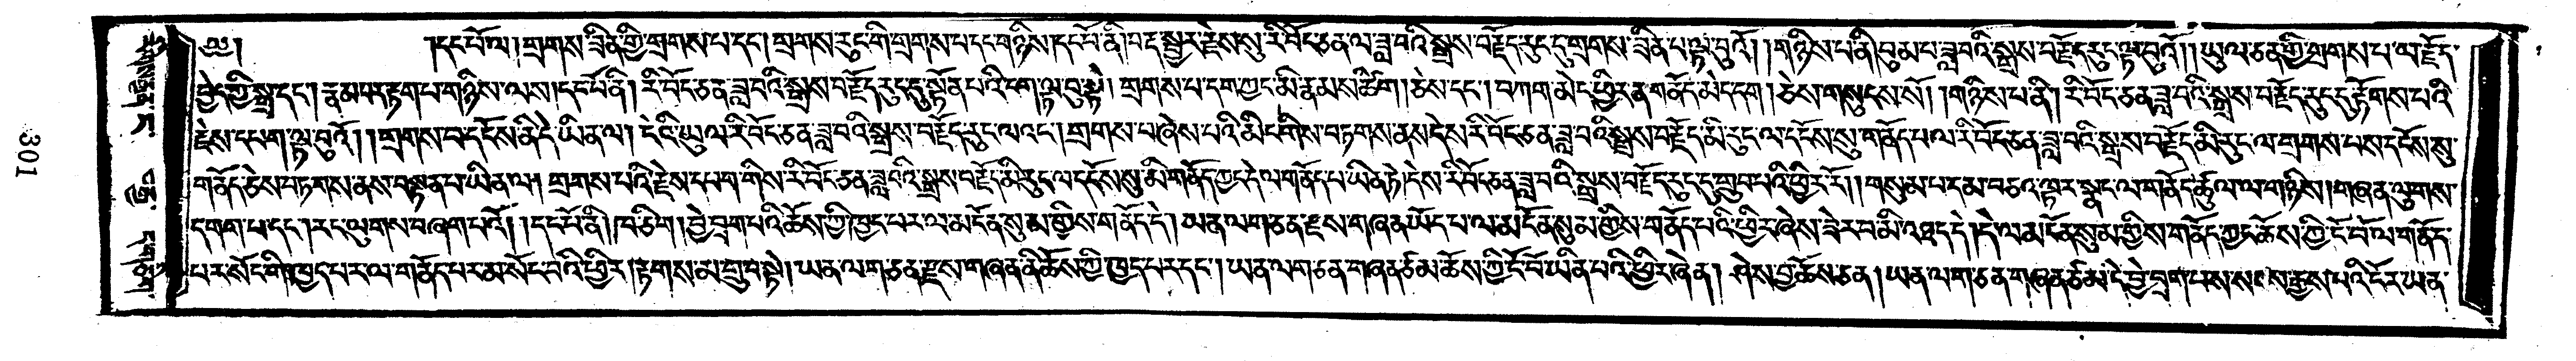༄༅། །དང་པོ་ལ། གྲགས་ཟིན་གྱི་གྲགས་པ་དང་། གྲགས་རུང་གི་གྲགས་པ་དང་གཉིས། དང་པོ་ནི། བརྡ་སྦྱར་རྗེས་སུ་རི་བོང་ཅན་ལ་ཟླ་བའི་སྒྲས་བརྗོད་རུང་དུ་གྲགས་ཟིན་པ་ལྟ་བུའོ། །གཉིས་པ་ནི། བུམ་པ་ཟླ་བའི་སྒྲས་བརྗོད་རུང་ལྟ་བུའོ། །ཡུལ་ཅན་གྱི་གྲགས་པ་ལ་རྗོད་
བྱེད་ཀྱི་སྒྲ་དང་། རྣམ་པར་རྟག་པ་གཉིས་ལས། དང་པོ་ནི། རི་བོང་ཅན་ཟླ་བའི་སྒྲས་བརྗོད་རུང་དུ་སྟོན་པའི་ངག་ལྟ་བུ་སྟེ། གྲགས་པ་དག་ཀྱང་མི་རྣམས་ཚིག །ཅེས་དང་། བཀག་མེད་ཕྱིར་ན་གནོད་མེད་དག །ཅེས་གསུངས་སོ། །གཉིས་པ་ནི། རི་བོང་ཅན་ཟླ་བའི་སྒྲས་བརྗོད་རུང་དུ་རྟོགས་པའི་
རྗེས་དཔག་ལྟ་བུའོ། །གྲགས་པ་དངོས་ནི་དེ་ཡིན་ལ། དེའི་ཡུལ་རི་བོང་ཅན་ཟླ་བའི་སྒྲས་བརྗོད་རུང་ལའང་། གྲགས་པ་ཞེས་པའི་མིང་གིས་བཏགས་ནས་དེས་རི་བོང་ཅན་ཟླ་བའི་སྒྲས་བརྗོད་མི་རུང་ལ་དངོས་སུ་གནོད་པ་ལ་རི་བོང་ཅན་ཟླ་བའི་སྒྲས་བརྗོད་མི་རུང་ལ་གྲགས་པས་དངོས་སུ་
གནོད་ཅེས་བཏགས་ནས་བསྟན་པ་ཡིན་ལ། གྲགས་པའི་རྗེས་དཔག་གིས་རི་བོང་ཅན་ཟླ་བའི་སྒྲས་བརྗོད་མི་རུང་ལ་དངོས་སུ་མི་གནོད་ཀྱང་དེ་ལ་གནོད་པ་ཡིན་ཏེ། དེས་རི་བོང་ཅན་ཟླ་བའི་སྒྲས་བརྗོད་རུང་དུ་གྲུབ་པའི་ཕྱིར་རོ། །གསུམ་པ་དམ་བཅའ་ལྟར་སྣང་ལ་གནོད་ཚུལ་ལ་གཉིས། གཞན་ལུགས་
དགག་པ་དང་། རང་ལུགས་བཞག་པའོ། །དང་པོ་ནི། ཁ་ཅིག། བྱེ་བྲག་པའི་ཆོས་ཀྱི་ཁྱད་པར་ལ་མངོན་སུམ་གྱིས་གནོད་དེ། ཡན་ལག་ཅན་རྫས་གཞན་ཡོད་པ་ལ་མངོན་སུམ་གྱིས་གནོད་པའི་ཕྱིར་ཞེས་ཟེར་བ་མི་འཐད་དེ། དེ་ལ་མངོན་སུམ་གྱིས་གནོད་ཀྱང་ཆོས་ཀྱི་ངོ་བོ་ལ་གནོད་
པར་སོང་གི་ཁྱད་པར་ལ་གནོད་པར་མ་སོང་བའི་ཕྱིར། རྟགས་མ་གྲུབ་སྟེ། ཡན་ལག་ཅན་རྫས་གཞན་ནི་ཆོས་ཀྱི་ཁྱད་པར་དང་། ཡན་ལག་ཅན་གཞན་ཙམ་ཆོས་ཀྱི་ངོ་བོ་ཡིན་པའི་ཕྱིར་ཞེ་ན། ཤེས་བྱ་ཆོས་ཅན། ཡན་ལག་ཅན་གཞན་ཙམ་དེ་བྱེ་བྲག་པས་སངས་རྒྱས་པའི་ངོར་ཡན་